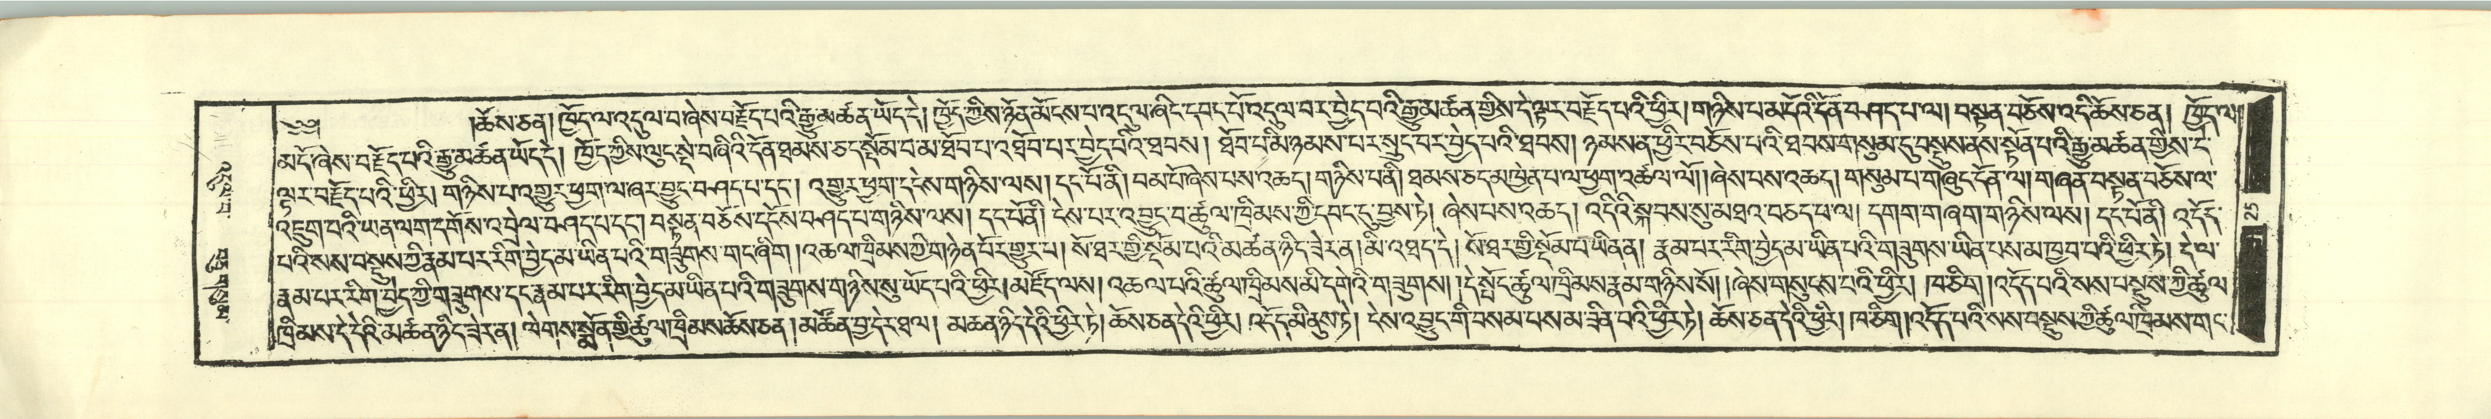༄༅། །ཆོས་ཅན། ཁྱོད་ལ་འདུལ་བ་ཞེས་བརྗོད་པའི་རྒྱུ་མཚན་ཡོད་དེ། ཁྱོད་ཀྱིས་ཉོན་མོངས་པ་འདུལ་ཞིང་དབང་པོ་འདུལ་བར་བྱེད་པའི་རྒྱུ་མཚན་གྱིས་དེ་ལྟར་བརྗོད་པའི་ཕྱིར། གཉིས་པ་མདོའི་དོན་བཤད་པ་ལ། བསྟན་བཅོས་འདི་ཆོས་ཅན། ཁྱོད་ལ་
མདོ་ཞེས་བརྗོད་པའི་རྒྱུ་མཚན་ཡོད་དེ། ཁྱོད་ཀྱིས་ལུང་སྡེ་བཞིའི་དོན་ཐམས་ཅད་སྡོམ་པ་མ་ཐོབ་པ་འཐོབ་པར་བྱེད་པའི་ཐམས། ཐོབ་པ་མི་ཉམས་པར་སྲུང་བར་བྱེད་པའི་ཐབས། ཉམས་ན་ཕྱིར་བཅོས་པའི་ཐབས་གསུམ་དུ་བསྡུས་ནས་སྟོན་པའི་རྒྱུ་མཚན་གྱིས་དེ་
ལྟར་བརྗོད་པའི་ཕྱིར། གཉིས་པ་འགྱུར་ཕྱག་ལ་ཞར་བྱུང་བཤད་པ་དང་། འགྱུར་ཕྱག་དངེས་གཉིས་ལས། དང་པོ་ནི། བམ་པོ་ཞེས་པས་འཆད། གཉིས་པ་ནི། ཐམས་ཅད་མཁྱེན་པ་ལ་ཕྱག་འཚལ་ལོ། །ཞེས་པས་འཆད། གསུམ་པ་གཞུང་དོན་ལ། གཞན་བསྟན་བཅོས་ལ་
འཇུག་པའི་ཡན་ལག་དགོས་འབྲེལ་བཤད་པ་དང་། བསྟན་བཅོས་དངོས་བཤད་པ་གཉིས་ལས། དང་པོ་ནི། ངེས་པར་འབྱུང་བ་ཚུལ་ཁྲིམས་ཀྱི་དབང་དུ་བྱས་ཏེ། ཞེས་པས་འཆད། འདིའི་སྐབས་སུ་མཐའ་བཅད་པ་ལ། དགག་གཞག་གཉིས་ལས། དང་པོ་ནི། འདོད་
པའི་སས་བསྡུས་ཀྱི་རྣམ་པར་རིག་བྱེད་མ་ཡིན་པའི་གཟུགས་གང་ཞིག །འཆལ་ཁྲིམས་ཀྱི་གཉེན་པོར་གྱུར་པ། སོ་ཐར་གྱི་སྡོམ་པའི་མཚན་ཉིད་ཟེར་ན། མི་འཐད་དེ། སོ་ཐར་གྱི་སྡོམ་པ་ཡིན་ན། རྣམ་པར་རིག་བྱེད་མ་ཡིན་པའི་གཟུགས་ཡིན་པས་མ་ཁྱབ་པའི་ཕྱིར་ཏེ། དེ་ལ་
རྣམ་པར་རིག་བྱེད་ཀྱི་གཟུགས་དང་རྣམ་པར་རིག་བྱེད་མ་ཡིན་པའི་གཟུགས་གཉིས་སུ་ཡོད་པའི་ཕྱིར། མཛོད་ལས། འཆལ་པའི་ཚུལ་ཁྲིམས་མི་དགེའི་གཟུགས། །དེ་སྤོང་ཚུལ་ཁྲིམས་རྣམ་གཉིས་སོ། །ཞེས་གསུངས་པའི་ཕྱིར། ཁ་ཅིག །འདོད་པའི་སས་བསྡུས་ཀྱི་ཚུལ་
ཁྲིམས་དེ་དེའི་མཚན་ཉིད་ཟེར་ན། ལེགས་སྨོན་གྱི་ཚུལ་ཁྲིམས་ཆོས་ཅན། མཚོན་བྱ་དེར་ཐལ། མཚན་ཉིད་དེའི་ཕྱིར་ཏེ། ཆོས་ཅན་དེའི་ཕྱིར། འདོད་མི་ནུས་ཏེ། ངེས་འབྱུང་གི་བསམ་པས་མ་ཟིན་པའི་ཕྱིར་ཏེ། ཆོས་ཅན་དེའི་ཕྱིར། ཁ་ཅིག །འདོད་པའི་སས་བསྡུས་ཀྱི་ཚུལ་ཁྲིམས་གང་